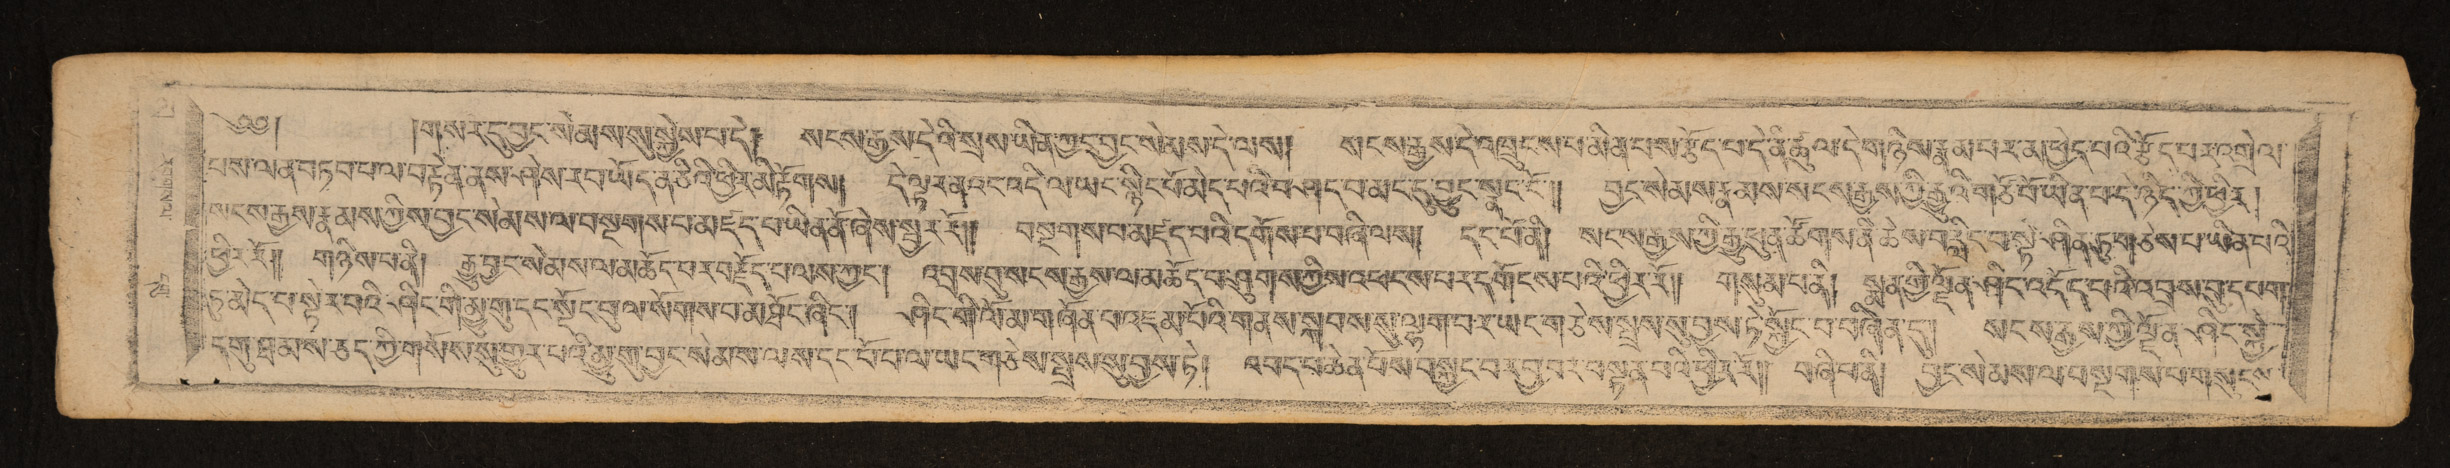༄༅། །གསར་དུ་བྱང་སེམས་སུ་སྐྱེས་པ་དེ། སངས་རྒྱས་དེའི་སྲས་ཡིན་ཀྱང་བྱང་སེམས་དེ་ལས། སངས་རྒྱས་དེ་འཁྲུངས་པ་མིན་པས་རྩོད་པ་དེ་ནི་ཚུལ་དེ་གཉིས་རྣམ་པར་མ་ཕྱེད་པའི་རྩོད་པར་འགྲེལ་
པས་ལན་བཏབ་པ་ལ་བརྟེན་ནས། ཤེས་རབ་ཡོད་ན་ཅིའི་ཕྱིར་མི་རྟོགས། དེ་ལྟར་ནའང་འདི་ལ་ཡང་སྙིང་པོ་མེད་པའི་བཤད་པ་མང་དུ་བྱུང་སྣང་ངོ།། བྱང་སེམས་རྣམས་སངས་རྒྱས་ཀྱི་རྒྱུའི་གཙོ་བོ་ཡིན་པ་དེ་ཉིད་ཀྱི་ཕྱིར།
སངས་རྒྱས་རྣམས་ཀྱིས་བྱང་སེམས་ལ་བསྔགས་པ་མཛད་པ་ཡིན་ནོ་ཞེས་སྦྱར་རོ། །བསྔགས་པ་མཛད་པའི་དགོས་པ་བཞི་ལས། དང་པོ་ནི། སངས་རྒྱས་ཀྱི་རྒྱུ་ཕུན་ཚོགས་ནི་ཆེས་བརླིང་བ་སྟེ་ཤིན་ཏུ་གཅེས་པ་ཡིན་པའི་
ཕྱིར་རོ།། གཉིས་པ་ནི། རྒྱུ་བྱང་སེམས་ལ་མཆོད་པར་བརྗོད་པ་ལས་ཀྱང་། འབྲས་བུ་སངས་རྒྱས་ལ་མཆོད་པ་ཤུགས་ཀྱིས་འཕངས་པར་དགོངས་པའི་ཕྱིར་རོ།། གསུམ་པ་ནི། སྨན་གྱི་ལྗོན་ཤིང་འདོད་པའི་འབྲས་བུ་དཔག་
ཏུ་མེད་པ་སྟེར་བའི་ཤིང་གི་མྱུ་གུ་དང་སྡོང་བུ་ལ་སོགས་པ་མཐོང་ཞིང་། ཤིང་གི་ལོ་མ་གཞོན་པ་འཇམ་པོའི་གནས་སྐབས་སུ། ལྷག་པར་ཡང་གཅེས་སྤྲས་སུ་བྱས་ཏེ་སྐྱོང་བ་བཞིན་དུ། སངས་རྒྱས་ཀྱི་ལྗོན་ཤིང་སྐྱེ་
དགུ་ཐམས་ཅད་ཀྱི་གསོས་སུ་གྱུར་པའི་མྱུ་གུ་བྱང་སེམས་ལས་དང་པོ་པ་ལ་ཡང་གཅེས་སྤྲས་སུ་བྱས་ཏེ། འབད་པ་ཆེན་པོས་བསྐྱང་བར་བྱ་བར་བསྟན་པའི་ཕྱིར་རོ།། བཞི་པ་ནི། བྱང་སེམས་ལ་བསྔགས་པ་གསུངས་